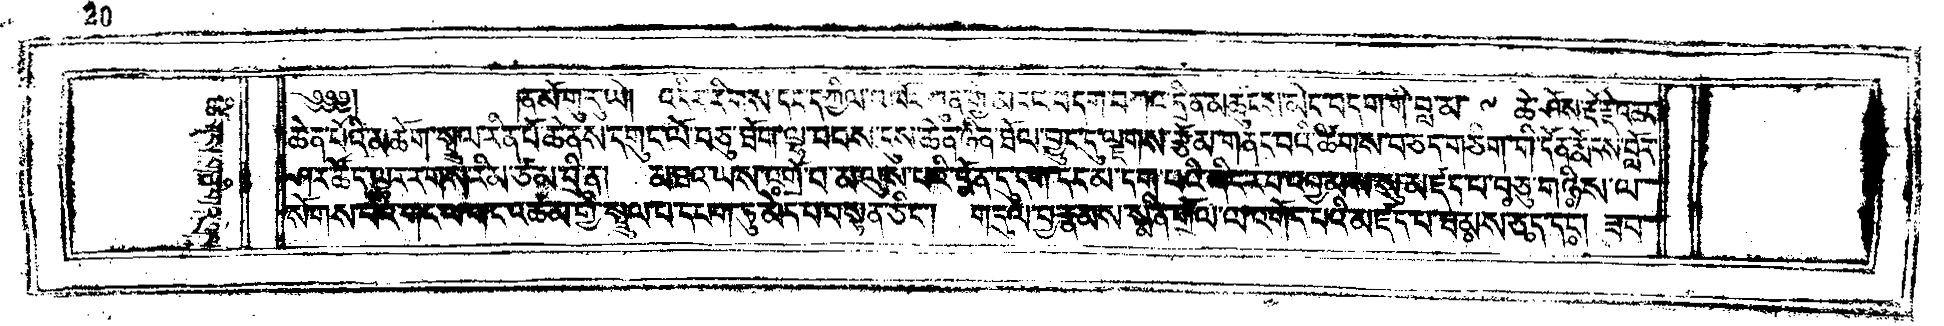༄༅༅། །ན་མོ་གུ་རུ་ཡེ། འདིར་རིགས་དང་དཀྱིལ་འཁོར་ཀུན་གྱི་མངའ་བདག་བཀའ་དྲིན་མཚུངས་མེད་བདག་གི་བླ་མ་༧་ཆེ་ཤོས་རྡོ་རྗེ་འཆང་
ཆེན་པོའི་མཆོག་སྤྲུལ་རིན་པོ་ཆེ་ནས་དགུང་ལོ་བཅུ་ཐོག་ལྷ་བབས་དུས་ཆེན་ཉིན་ཐོལ་བྱུང་དུ་ལྗགས་རྩོམ་གནང་བའི་ཚིགས་བཅད་གཅིག་གི་དོན་རྨོངས་བློར་
ཤར་ཚོད་ལྟར་རགས་རིམ་ཙམ་བྲི་ན། མཐའ་ཡས་འགྲོ་བ་མ་ལུས་པའི་དོན་དུ་དག་དང་མ་དག་པའི་ཞིང་རབ་འབྱམས་སུ་མཛད་པ་བཅུ་གཉིས་ལ་
སོགས་པའི་གང་ལ་གང་འཚམ་གྱི་སྤྲུལ་པ་དཔག་ཏུ་མེད་པ་བསྟན་ཅིང་། གདུལ་བྱ་རྣམས་སྨིན་གྲོལ་ལ་འགོད་པའི་མཛད་པ་ཐམས྾་ཅད྾་དང྾། ཟབ་